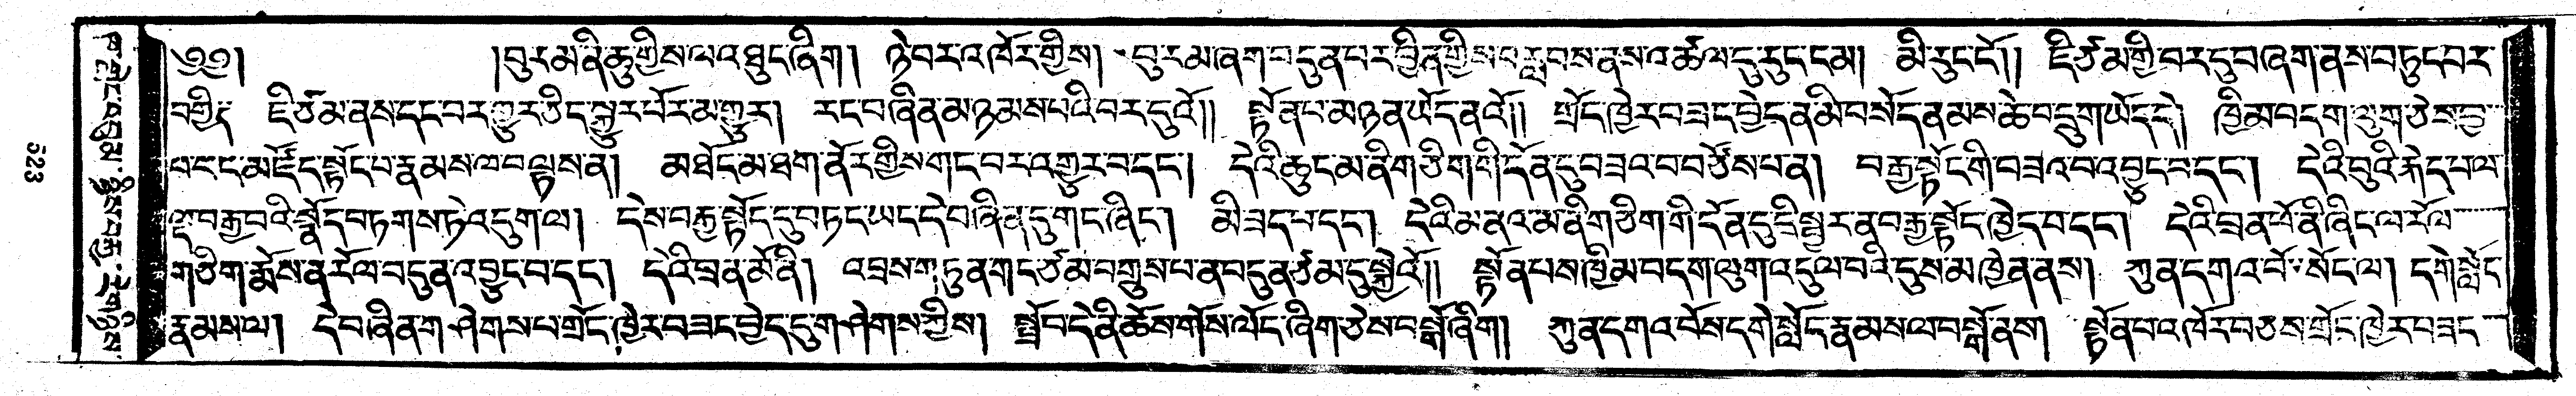༄༅། །བུ་རམ་ནི་ཆུ་གྱིས་ལ་འཐུང་ཞིག། ཉེ་བར་འཁོར་གྱིས། བུ་རམ་ཞག་བདུན་པར་བྱིན་གྱིས་བརླབས་ནས་འཚལ་དུ་རུང་ངམ། མི་རུང་ངོ།། ཇི་ཙམ་གྱི་བར་དུ་བཞག་ནས་བཏུང་བར་
བགྱི༑ ཇི་ཙམ་ནས་དང་བར་གྱུར་ཅིང་སྐྱུར་པོར་མ་གྱུར། རང་བཞིན་མ་ཉམས་པའི་བར་དུའོ།། སྟོན་པ་མཉན་ཡོད་ནའོ།། གྲོང་ཁྱེར་བཟང་བྱེད་ན་མི་བསོད་ནམས་ཆེ་བ་དྲུག་ཡོད་དེ། ཁྱིམ་བདག་ལུག་ཅེས་བྱ་
པ་ངང་མཛོད་སྟོང་པ་རྣམས་ལ་བལྟས་ན། མཐོང་མ་ཐག་ནོར་གྱིས་གང་བར་འགྱུར་བ་དང་། དེའི་ཆུང་མ་ནི་གཅིག་གི་དོན་དུ་བཟའ་བ་བཙོས་པ་ན། བརྒྱ་སྟོང་གི་བཟའ་བ་འབྱུང་བ་དང་། དེའི་བུའི་རྐེད་པ་ལ་
ལྔ་བརྒྱ་བའི་སྣོད་བཏགས་ཏེ་འདུག་ལ། དེས་བརྒྱ་སྟོང་དུ་བཏང་ཡང་དེ་བཞིན་དུ་གང་ཞིང་། མི་ཟད་པ་དང་། དེའི་མནའ་མ་ནི་གཅིག་གི་དོན་དུ་དྲི་སྦྱར་ན་བརྒྱ་སྟོང་ཁྱེད་པ་དང་། དེའི་བྲན་ཕོ་ནི་ཞིང་ལ་རོལ་
གཅིག་རྨོས་ན་རོལ་བདུན་འབྱུང་བ་དང་། དེའི་བྲན་མོ་ནི། འབྲས་གཏུན་གང་ཙམ་བགྲུས་པ་ན་བདུན་ཙམ་དུ་སྐྱེའོ།། སྟོན་པས་ཁྱིམ་བདག་ལུག་འདུལ་བའི་དུས་མཁྱེན་ནས། ཀུན་དགའ་བོ་སོང་ལ། དགེ་སློང་
རྣམས་ལ། དེ་བཞིན་གཤེགས་པ་གྲོང་ཁྱེར་བཟང་བྱེད་དུ་གཤེགས་ཀྱིས། སྤྲོ་བ་དེ་ནི་ཆོས་གོས་ལོང་ཞིག་ཅེས་བསྒོ་ཞིག། ཀུན་དགའ་བོས་དགེ་སློང་རྣམས་ལ་བསྒོ་ནས། སྟོན་པ་འཁོར་བཅས་གྲོང་ཁྱེར་བཟང་